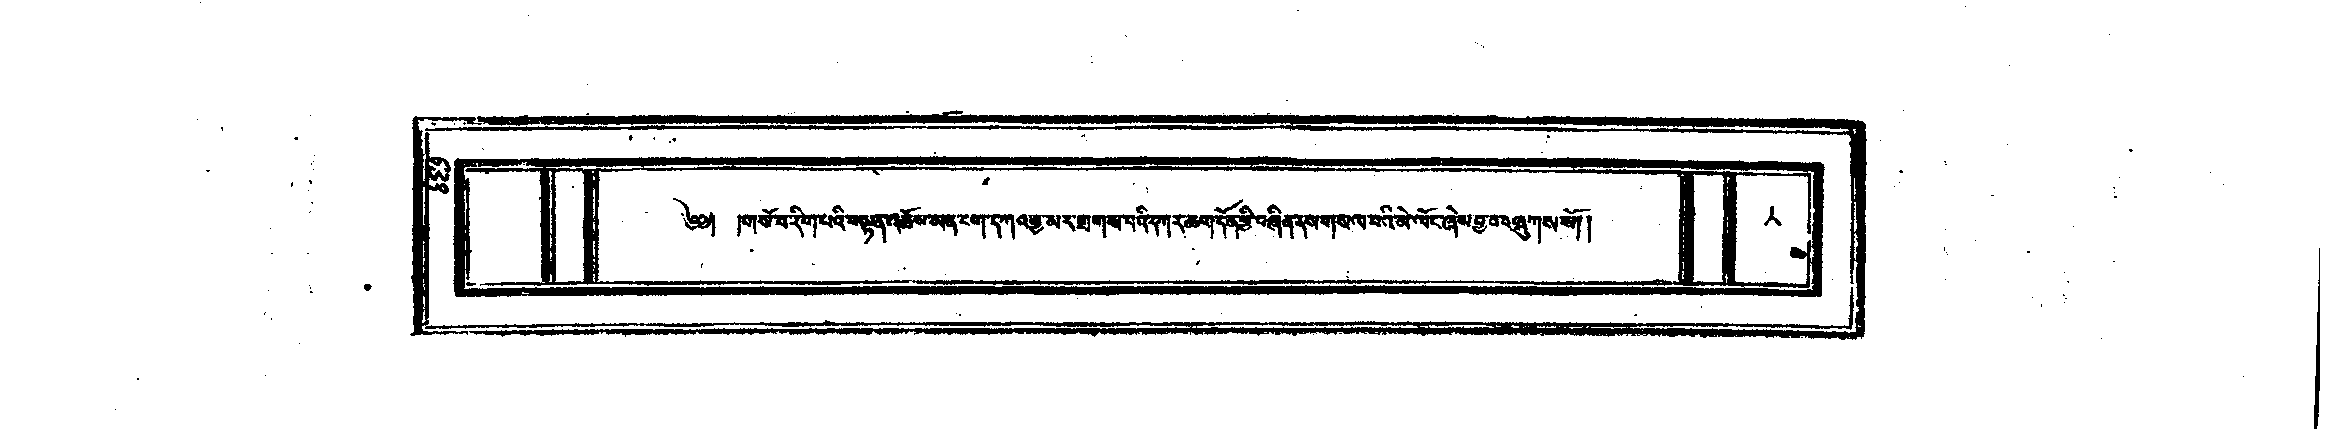༄༅། །གསོ་བ་རིག་པའི་བསྟན་འཆོས་མན་ངག་བཀའ་རྒྱ་མར་གྲགས་པའི་དཀར་ཆག་དོན་གྱི་བཞིན་རས་གསལ་བའི་མེ་ལོང་ཞེས་བྱ་བ་བཞུགས་སོ།།